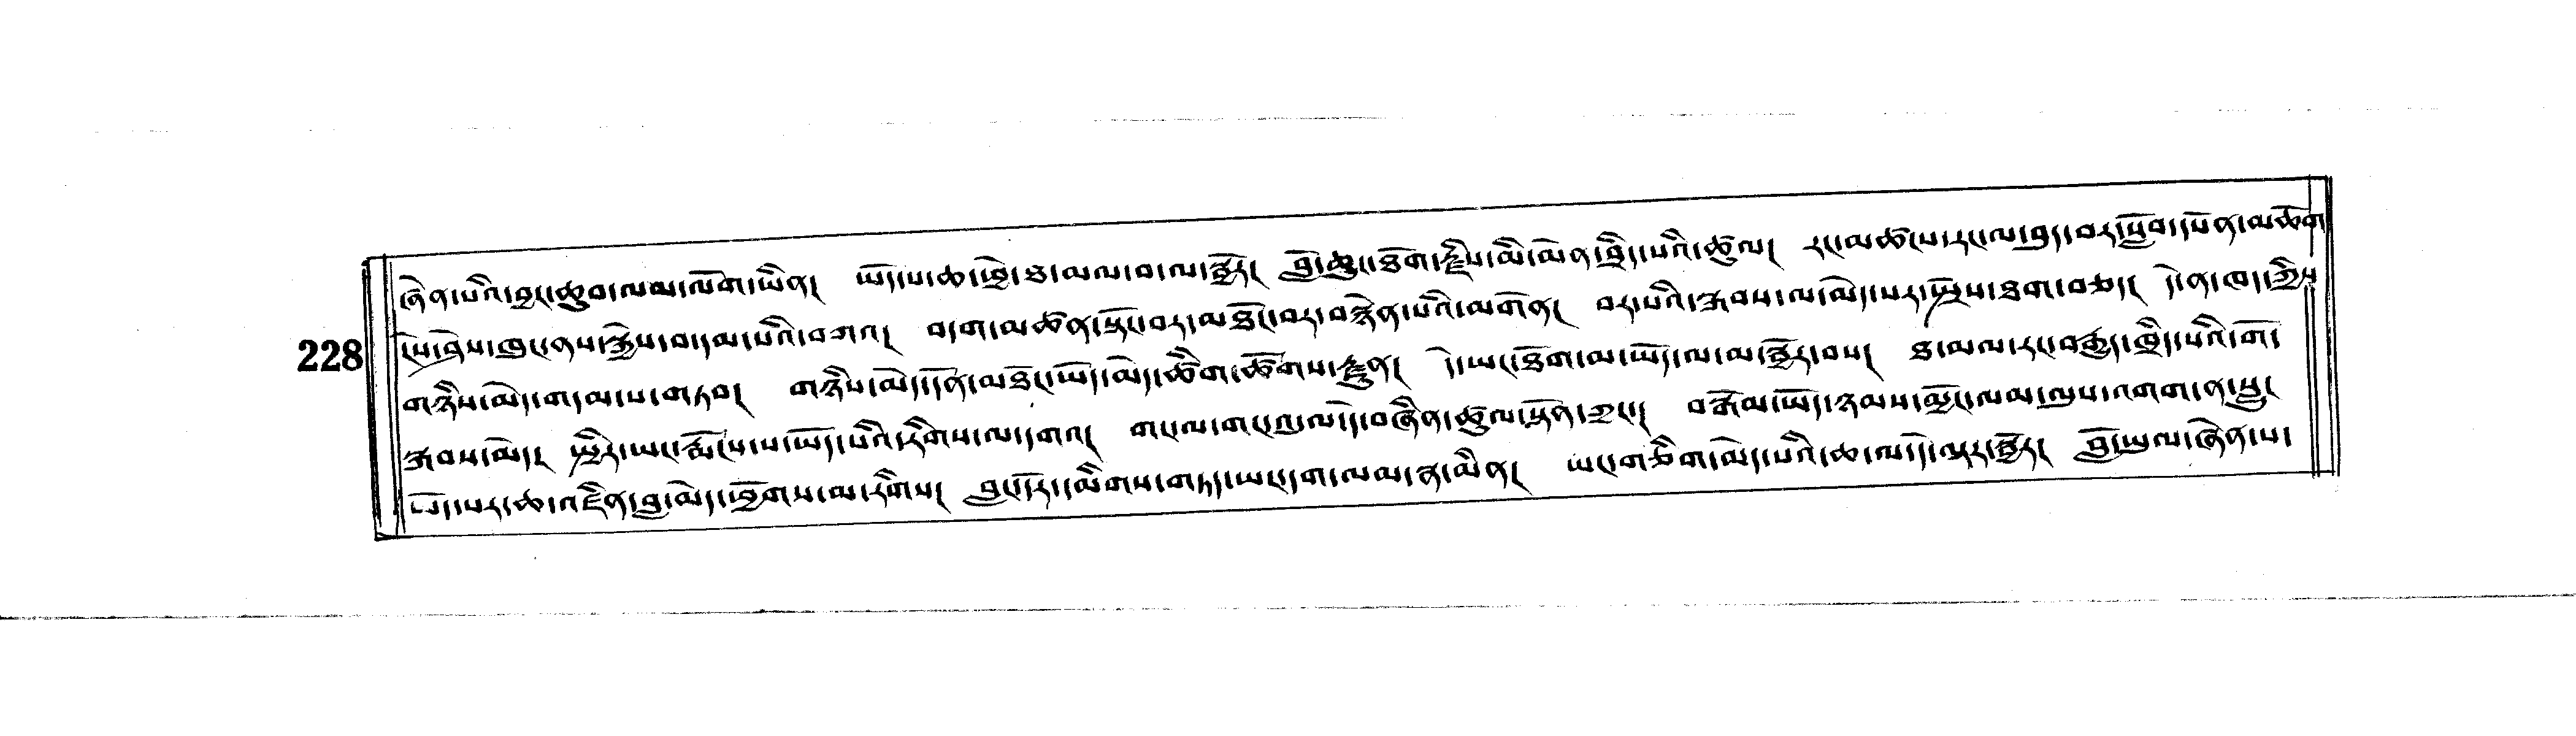ཞེན་པའི་བྱང་ཆུབ་ལམ་ལོག་ཡིན། ཡོད་པ་ཆ་ཕྱེ་ཐ་མལ་བ་ལ་སྦྱོར། བློ་ཆུང་ཐོག་རྫིས་མི་མེན་བྲིད་པའི་ཚུལ། རང་མཚངས་རང་ལ་བུད་པར་སློབ་དཔོན་མཆོག 
ངེས་ཤེས་ཁུངས་ནས་སྐྱེས་པ་དམ་པའི་བཀའ། བདག་མཚན་སྟོང་བར་མཐོང་བ་བསྙེན་པའི་མགོན། བར་གྱི་སྐབས་ལ་མེད་པར་སྤྲོས་ཐག་བཅད། དེ་ནས་ཁད་ཀྱིས་
གཉིས་མེད་གདམ་པ་བཏབ། གཉིས་མེད་དོན་མཐོང་ཡོད་མེད་ཚིག་ཚོགས་རྫུན། དེ་ཡང་ཐོག་མ་ཡོད་པ་མ་སྦྱོར་བས། ཐ་མལ་རང་རྒྱུད་ཁྲིད་པའི་གོ་
སྐབས་མེད། སྤྱིར་ཡང་རྨོངས་པ་ཡོད་པའི་རིགས་ལ་དགའ། གང་ལ་གང་འདུལ་དེ་བཞིན་ཚུལ་སྟོན་ཀྱང་། སྒོམ་ཡོད་ཉམས་མྱོང་ལམ་བསླུས་འགག་ན་བསླུ། 
ཡོད་པར་ཆ་འཛིན་བླ་མེད་ཕྱོགས་མ་རིགས། བླང་དོར་དམིགས་གཏད་ཡང་དག་ལམ་སྣ་མིན། ཡང་གཅིག་མེད་པའི་ཆ་ལ་དེ་ལྟར་སྦྱོར། བློ་ཡུལ་ཞེན་པ་